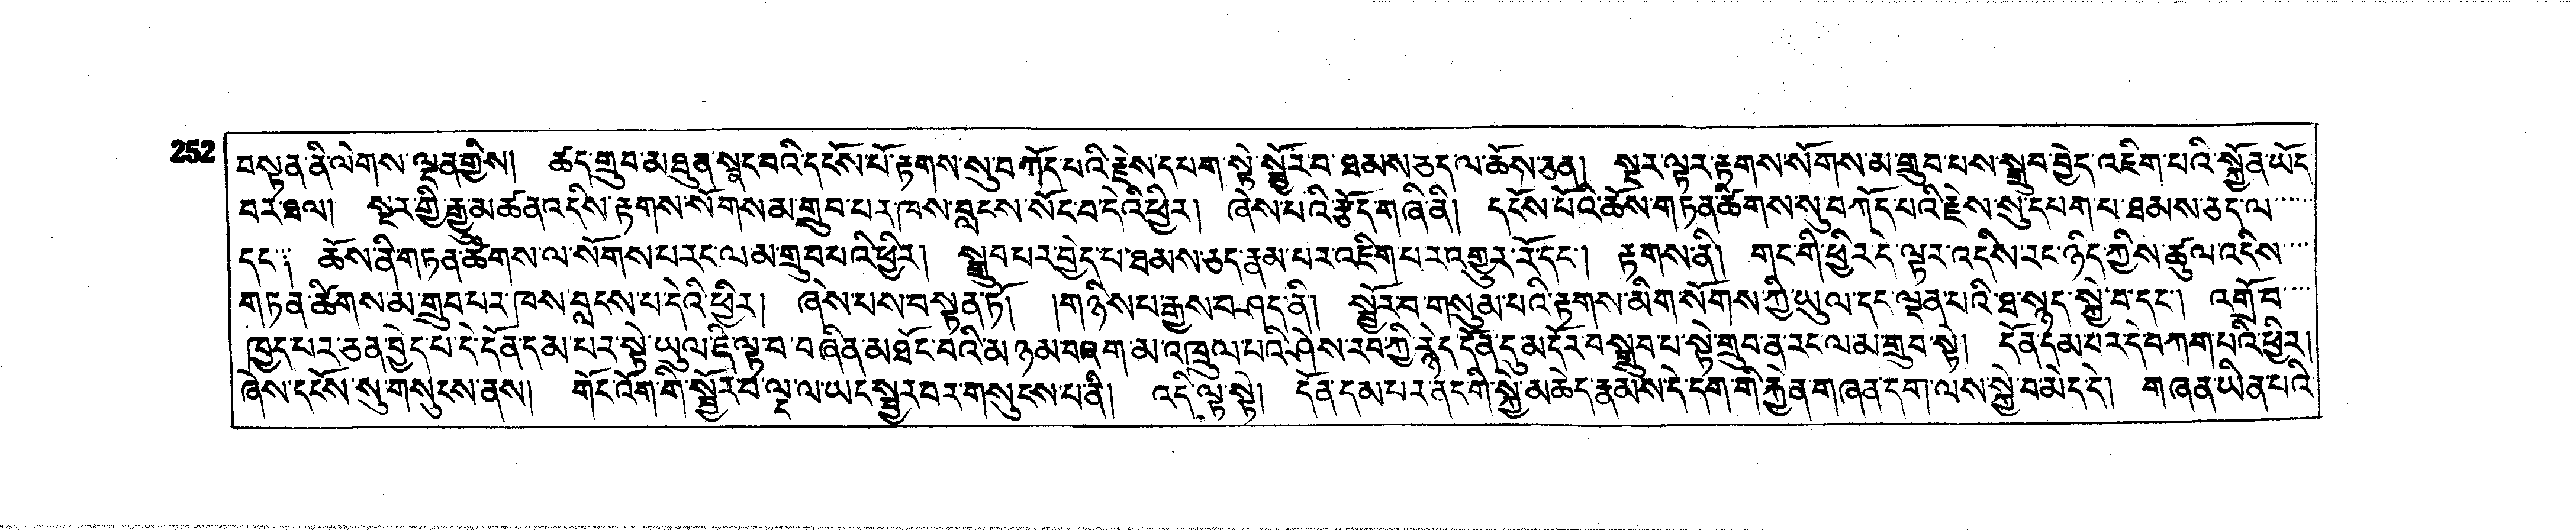བསྟན་ནི་ལེགས་ལྡན་གྱིས། ཚད་གྲུབ་མཐུན་སྣང་བའི་དངོས་པོ་རྟགས་སུ་བཀོད་པའི་རྗེས་དཔག་སྟེ་སྦྱོར་བ་ཐམས་ཅད་ལ་ཆོས་ཅན། སྔར་ལྟར་རྟགས་སོགས་མ་གྲུབ་པས་སྒྲུབ་བྱེད་འཇིག་པའི་སྐྱོན་ཡོད་
བར་ཐལ། སྔར་གྱི་རྒྱུ་མཚན་འདིས་རྟགས་སོགས་མ་གྲུབ་པར་ཁས་བླངས་སོང་བ་དེའི་ཕྱིར། ཞེས་པའི་རྩོད་གཞི་ནི། དངོས་པོའི་ཆོས་གཏན་ཚིགས་སུ་བཀོད་པའི་རྗེས་སུ་དཔག་པ་ཐམས་ཅད་ལ་
དང་། ཆོས་ནི་གཏན་ཚིགས་ལ་སོགས་པ་རང་ལ་མ་གྲུབ་པའི་ཕྱིར། སྒྲུབ་པར་བྱེད་པ་ཐམས་ཅད་རྣམ་པར་འཇིག་པར་འགྱུར་རོ་དང་། རྟགས་ནི། གང་གི་ཕྱིར་དེ་ལྟར་འདིས་རང་ཉིད་ཀྱིས་ཚུལ་འདིས་
གཏན་ཚིགས་མ་གྲུབ་པར་ཁས་བླངས་པ་དེའི་ཕྱིར། ཞེས་པས་བསྟན་ཏོ། །གཉིས་པ་རྒྱས་བཤད་ནི། སྦྱོར་བ་གསུམ་པའི་རྟགས་མིག་སོགས་ཀྱི་ཡུལ་དང་ལྡན་པའི་ཐ་སྙད་སྐྱེ་བ་དང་། འགྲོ་བ་
ཁྱད་པར་ཅན་བྱེད་པ་དེ་དོན་དམ་པར་སྟེ་ཡུལ་ཇི་ལྟ་བ་བཞིན་མཐོང་བའི་མཉམ་བཞག་མ་འཁྲུལ་པའི་ཤེས་རབ་ཀྱི་རྙེད་དོན་དུ་མདོར་བསྒྲུབ་པ་སྟེ་གྲུབ་ན་རང་ལ་མ་གྲུབ་སྟེ། དོན་དམ་པར་དེ་བཀག་པའི་ཕྱིར།
ཞེས་དངོས་སུ་གསུངས་ནས། གོང་འོག་གི་སྦྱོར་བ་ལྔ་ལ་ཡང་སྦྱར་བར་གསུངས་པ་ནི། འདི་ལྟ་སྟེ། དོན་དམ་པར་ནང་གི་སྐྱེ་མཆེད་རྣམས་དེ་དག་གི་རྐྱེན་གཞན་དག་ལས་སྐྱེ་བ་མེད་དེ། གཞན་ཡིན་པའི་